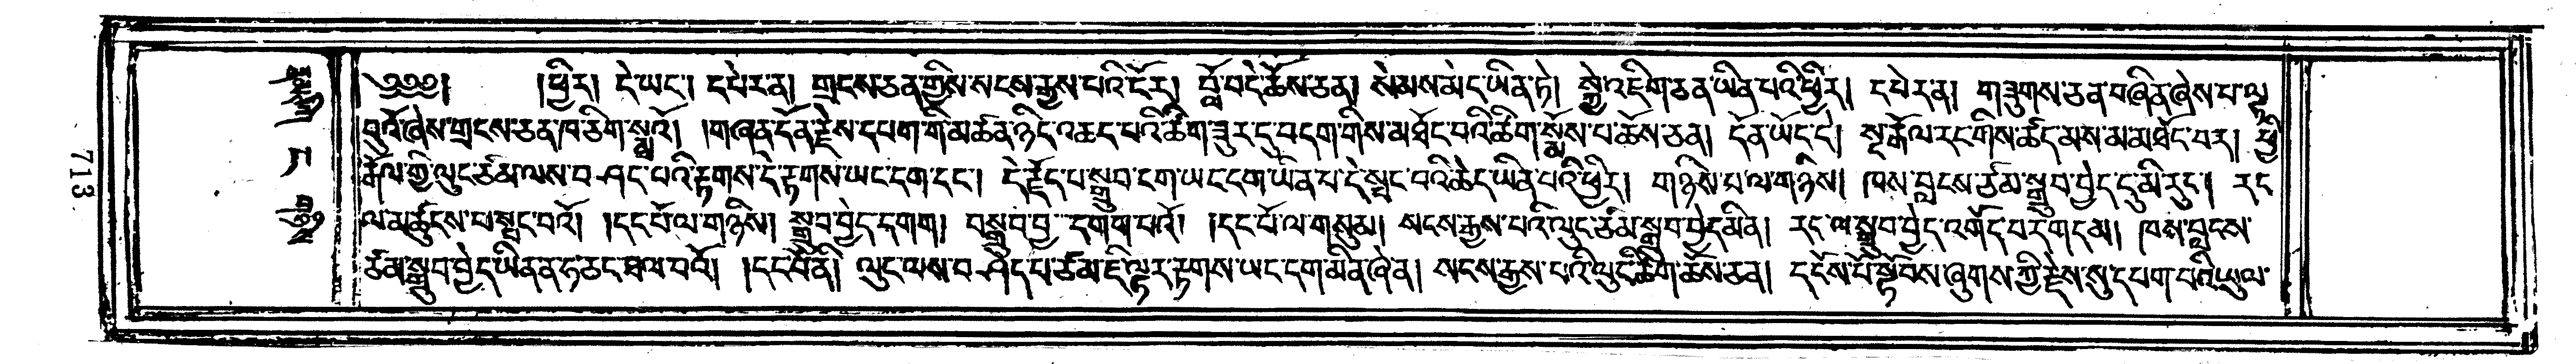༄༅༅། །ཕྱིར། དེ་ཡང་། དཔེར་ན། གྲངས་ཅན་གྱིས་སངས་རྒྱས་པའི་ངོར། བློ་བདེ་ཆོས་ཅན། སེམས་མེད་ཡིན་ཏེ། སྐྱེ་འཇིག་ཅན་ཡིན་པའི་ཕྱིར། དཔེར་ན། གཟུགས་ཅན་བཞིན་ཞེས་པ་ལྟ་
བུའོ་ཞེས་གྲངས་ཅན་ཁ་ཅིག་སྨྲའོ། །གཞན་དོན་རྗེས་དཔག་གི་མཚན་ཉིད་འཆད་པའི་ཚིག་ཟུར་དུ་བདག་གིས་མཐོང་བའི་ཚིག་སྨོས་པ་ཆོས་ཅན། དོན་ཡོད་དེ། སྔ་རྒོལ་རང་གིས་ཚད་མས་མ་མཐོང་བར། ཕྱི་
རྒོལ་གྱི་ལུང་ཙམ་ལས་བཤད་པའི་རྟགས་དེ་རྟགས་ཡང་དག་དང་། དེ་རྗོད་པ་སྒྲུབ་ངག་ཡང་དག་ཡིན་པ་དེ་སྤང་བའི་ཆེད་ཡིན་པའི་ཕྱིར། གཉིས་པ་ལ་གཉིས། ཁས་བླངས་ཙམ་སྒྲུབ་བྱེད་དུ་མི་རུང་། རང་
ལ་མཚུངས་པ་སྤང་བའོ། །དང་པོ་ལ་གཉིས། སྒྲུབ་བྱེད་དགག། བསྒྲུབ་བྱ་དགག་པའོ། །དང་པོ་ལ་གསུམ། སངས་རྒྱས་པའི་ལུང་ཙམ་སྒྲུབ་བྱེད་མིན། རང་ལ་སྒྲུབ་བྱེད་འགོད་པར་གདམ། ཁས་བླངས་
ཙམ་སྒྲུབ་བྱེད་ཡིན་ན་ཧ་ཅང་ཐལ་བའོ། །དང་པོ་ནི། ལུང་ལས་བཤད་པ་ཙམ་ཇི་ལྟར་རྟགས་ཡང་དག་མིན་ཞེ་ན། སངས་རྒྱས་པའི་ལུང་ཚིག་ཆོས་ཅན། དངོས་པོ་སྟོབས་ཞུགས་ཀྱི་རྗེས་སུ་དཔག་པའི་ཡུལ་